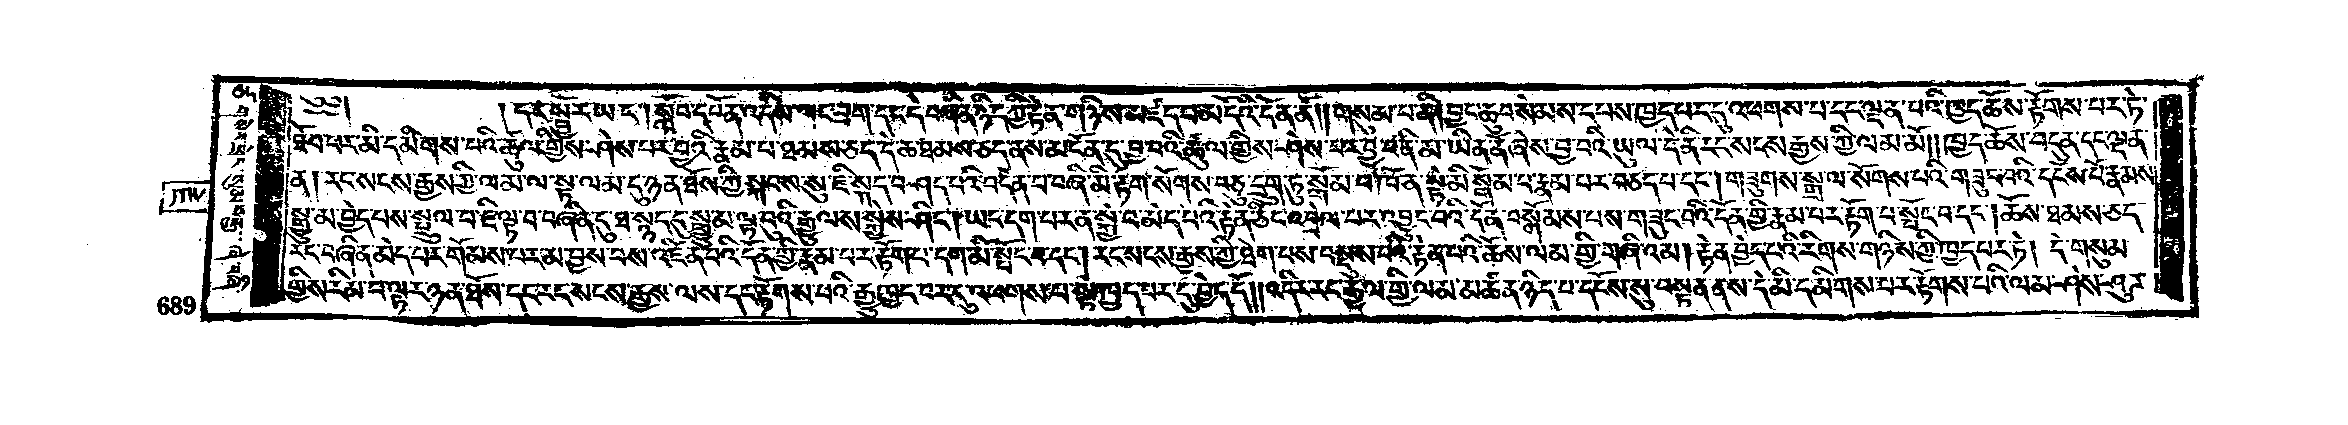༄༅། །དང་སྦྱོར་ཡང་། སློབ་དཔོན་འདིས་གང་ཟག་དང་དེ་བཞིན་ཉིད་ཀྱི་རྟེན་གཉིས་མཛད་པ་མདོའི་དོན་ནོ། །གསུམ་པ་ནི། བྱང་ཆུབ་སེམས་དཔས་ཁྱད་པར་དུ་འཕགས་པ་དང་ལྡན་པའི་ཁྱད་ཆོས་རྟོགས་པར་ཏེ་
ཐོབ་པར་མི་དམིགས་པའི་ཚུལ་གྱིས་ཤེས་པར་བྱའི་རྣམ་པ་ཐམས་ཅད་དེ་ཆ་ཐམས་ཅད་ནས་མངོན་དུ་བྱ་བའི་ཚུལ་གྱིས་ཤེས་པར་བྱ་བ་ནི་མ་ཡིན་ནོ་ཞེས་བྱ་བའི་ཡུལ་དེ་ནི་རང་སངས་རྒྱས་ཀྱི་ལམ་མོ། །ཁྱད་ཆོས་བདུན་དང་ལྡན་
ན། རང་སངས་རྒྱས་ཀྱི་ལམ་ལ་སྟ་ལམ་དུ་ཉན་ཐོས་ཀྱི་སྐབས་སུ་ཇི་སྐད་བཤད་པའི་བདེན་པ་བཞི་མི་རྟག་སོགས་བཅུ་དྲུག་ཏུ་སྒོམ་པ་ཁོ་ན་སྟེ་མི་སྒོམ་པ་རྣམ་པར་བཅད་པ་དང་། གཟུགས་སྒྲ་ལ་སོགས་པའི་གཟུང་བའི་དངོས་པོ་རྣམས་
སྒྱུ་མ་བྱེད་པས་སྤྲུལ་པ་ཇི་ལྟ་བ་བཞིན་དུ་ཐ་སྙད་དུ་སྒྱུ་མ་ལྟ་བུའི་རྒྱུ་ལས་སྐྱེས་ཤིང་། ཡང་དག་པར་ན་སྐྱེ་བ་མེད་པའི་རྟེན་ཅིང་འབྲེལ་པར་འབྱུང་བའི་དོན་བསྒོམས་པས་གཟུང་བའི་དོན་གྱི་རྣམ་པར་རྟོག་པ་སྤོང་བ་དང་། ཆོས་ཐམས་ཅད་
རང་བཞིན་མེད་པར་གོམས་པར་མ་བྱས་པས་འཛིན་པའི་དོན་གྱི་རྣམ་པར་རྟོག་པ་དག་མི་སྤོང་བ་དང་། རང་སངས་རྒྱས་ཀྱི་ཐག་པས་བསྡུས་པའི་རྟེན་པའི་ཆོས་ལམ་གྱི་གཞི་འམ། རྟེན་བྱེད་པའི་རིགས་གཉིས་ཀྱི་ཁྱད་པར་ཏེ། དེ་གསུམ་
གྱིས་རིམ་པ་ལྟར་ཉན་ཐོས་དང་རང་སངས་རྒྱས་ལས་དང་རྟོགས་པའི་རྒྱུ་ཁྱད་པར་དུ་འཕགས་པ་སྟེ་ཁྱད་པར་དུ་བྱེད་དོ། །འདིར་རང་རྒྱལ་གྱི་ལམ་མཚན་ཉིད་པ་དངོས་སུ་བསྟན་ནས་དེ་མི་དམིགས་པར་རྟོགས་པའི་ལམ་ཤེས་ཤུགས་